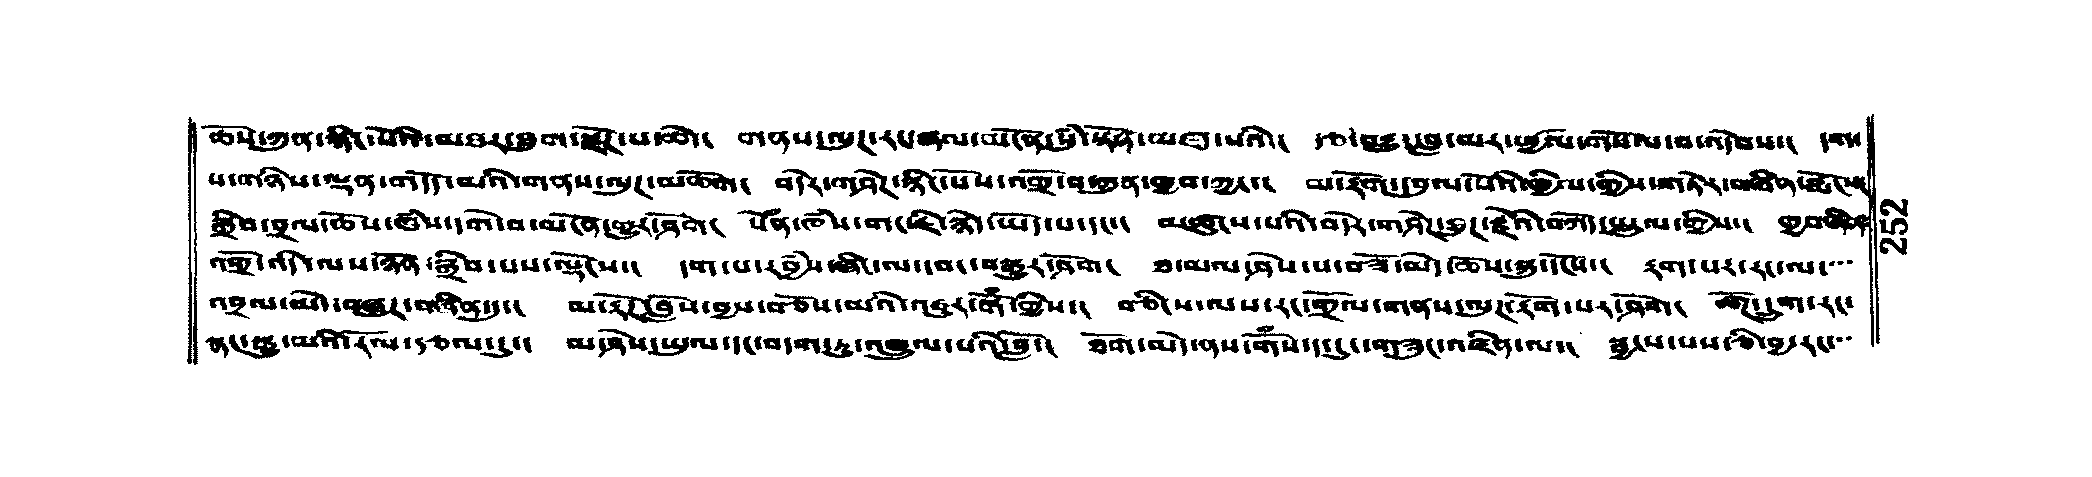།ཆོས་ཀུན་སྙིང་པོའི་མཐར་ཐུག་རྫོགས་པ་ཆེ། །གནས་ལུགས་རང་ཞལ་མངོན་སུམ་སྟོན་མཛད་པའི། །རྩ་བརྒྱུད་བླ་མར་ཕྱག་འཚལ་གསོལ་བ་འདེབས། །དག་
པ་གཉིས་ལྡན་གདོད་མའི་གནས་ལུགས་མཆོག །བདེ་གཤེགས་སྙིང་པོས་འགྲོ་བ་ཀུན་ཁྱབ་ཀྱང་། །མ་རྟོགས་དབུལ་པོའི་ཁྱིམ་གྱིས་གཏེར་བཞིན་རྨོངས། །
སྒྲིབ་བྲལ་ཆོས་ཁམས་དགེ་བ་མངོན་གྱུར་ཤོག །སེམས་ཅན་ཁམས་གང་ཇི་སྙེད་ཡོད་པ་དང་། །མཚུངས་པའི་བདེ་གཤེགས་ཐུགས་རྗེའི་བཀོད་སྤྲུལ་གྱིས། །ཁྱབ་བཞིན་
འགྲོ་འདི་ལས་ཉོན་སྒྲིབ་པས་ལྡོངས། །དག་པ་རབ་འབྱམས་ཞིང་ལ་དབང་བསྒྱུར་ཤོག །ཐ་མལ་ཤེས་པ་བཟོ་མེད་ཆོས་སྐུ་དངོས། །རྟག་པར་རང་ལ་
འབྲལ་མེད་བཞུགས་བཞིན་དུ། །མ་རྟོགས་བློས་བྱས་བཅོས་མའི་འཇུར་སྒོམ་གྱིས། །བཅིངས་ལས་རང་གྲོལ་གནས་ལུགས་རྟོགས་པར་ཤོག །ཚོགས་དྲུག་རང་
སྣང་སྒྱུ་མའི་རོལ་རྩལ་དུ། །མ་ཤེས་ཡུལ་དང་བདག་ཏུ་འཁྲུལ་པའི་བློ། །ཐོག་མེད་ནས་གོམས་ད་དུང་གཟུང་འཛིན་ལས། །སྦྱངས་པས་ཅི་བྱ་རང་